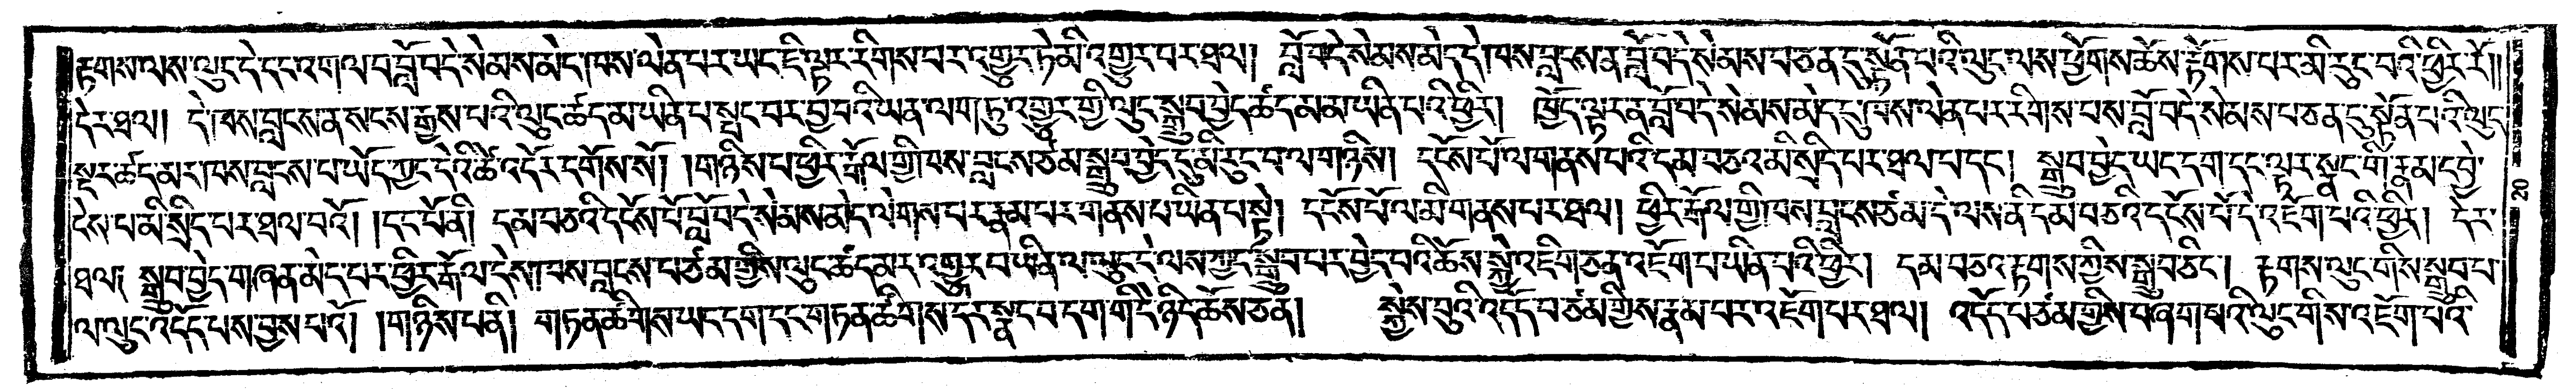རྟགས་ལས་ལུང་དེ་དང་འགལ་བ་བློ་བདེ་སེམས་མེད་ཁས་ལེན་པར་ཡང་ཇི་ལྟར་རིགས་པར་འགྱུར་ཏེ་མི་འགྱུར་བར་ཐལ། བློ་བདེ་སེམས་མེད་དེ་ཁས་བླངས་ན་བློ་བདེ་སེམས་པ་ཅན་དུ་སྟོན་པའི་ལུང་ལས་ཕྱོགས་ཆོས་རྟོགས་པར་མི་རུང་བའི་ཕྱིར་རོ།།
དེར་ཐལ། དེ་ཁས་བླངས་ན་སངས་རྒྱས་པའི་ལུང་ཚད་མ་ཡིན་པ་སྤང་བར་བྱ་བའི་ཡན་ལག་ཏུ་འགྱུར་གྱི་ལུང་སྒྲུབ་བྱེད་ཚད་མ་མ་ཡིན་པའི་ཕྱིར། ཁྱོད་ལྟར་ན་བློ་བདེ་སེམས་མེད་དུ་ཁས་ལེན་པར་རིགས་པས་བློ་བདེ་སེམས་པ་ཅན་དུ་སྟོན་པའི་ལུང་
སྔར་ཚད་མར་ཁས་བླངས་པ་ཡོད་ཀྱང་དེའི་ཚེ་འདོར་དགོས་སོ། །གཉིས་པ་ཕྱིར་རྒོལ་གྱི་ཁས་བླངས་ཙམ་སྒྲུབ་བྱེད་དུ་མི་རུང་བ་ལ་གཉིས། དངོས་པོ་ལ་གནས་པའི་དམ་བཅའ་མི་སྲིད་པར་ཐལ་པ་དང་། སྒྲུབ་བྱེད་ཡང་དག་དང་ལྟར་སྣང་གི་རྣམ་དབྱེ་
དེས་པ་མི་སྲིད་པར་ཐལ་བའོ། །དང་པོ་ནི། དམ་བཅའི་དངོས་པོ་བློ་བདེ་སེམས་མེད་ལེགས་པར་རྣམ་པར་གནས་པ་ཡིན་པ་སྟེ། དངོས་པོ་ལ་མི་གནས་པར་ཐལ། ཕྱིར་རྒོལ་གྱི་ཁས་བླངས་ཙམ་དེ་ལས་ནི་དམ་བཅའི་དངོས་པོ་དེ་འཇོག་པའི་ཕྱིར། དེར་
ཐལ༑ སྒྲུབ་བྱེད་གཞན་མེད་པར་ཕྱིར་རྒོལ་དེས་ཁས་བླངས་པ་ཙམ་གྱིས་ལུང་ཚད་མར་འགྱུར་པ་ཡིན་ལ་ལུང་དེ་ལས་ཀྱང་སྒྲུབ་པར་བྱེད་པའི་ཆོས་སྐྱེ་འཇིག་ཅན་འཇོག་པ་ཡིན་པའི་ཕྱིར། དམ་བཅའ་རྟགས་ཀྱིས་སྒྲུབ་ཅིང་། རྟགས་ལུང་གིས་སྒྲུབ་པ་
ལ་ལུང་འདོད་པས་བྱས་པའོ། །གཉིས་པ་ནི། གཏན་ཚིགས་ཡང་དག་དང་གཏན་ཚིགས་དེར་སྣང་བ་དག་གི་དེ་ཉིད་ཆོས་ཅན། སྐྱེས་བུའི་འདོད་པ་ཙམ་གྱིས་རྣམ་པར་འཇོག་པར་ཐལ། འདོད་པ་ཙམ་གྱིས་བཞག་པའི་ལུང་གིས་འཇོག་པའི་